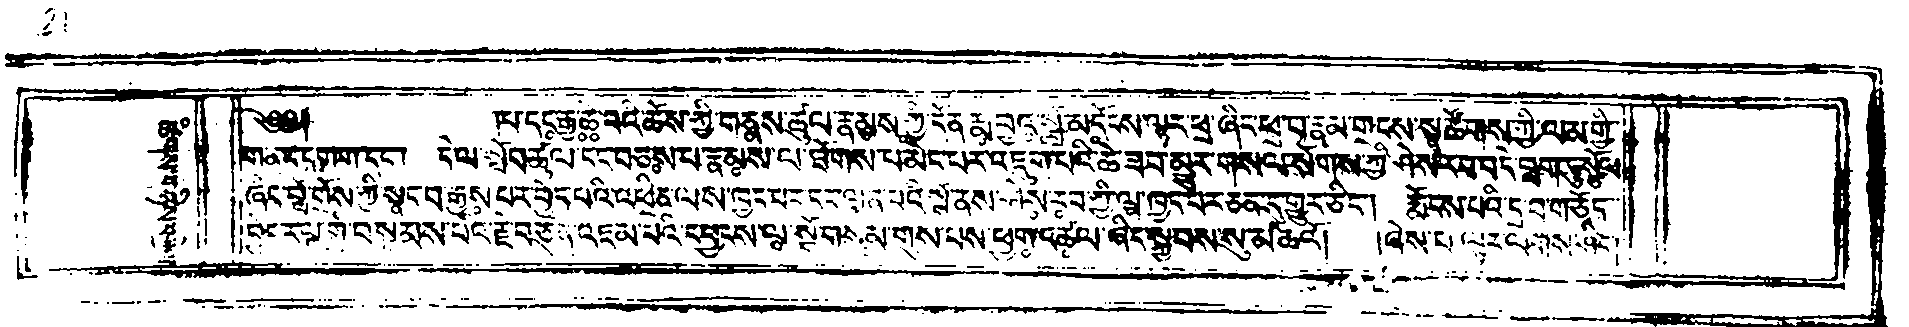༄༅། །པ་དང྾་རྒྱ྾་ཆེ྾་བའི་ཆོས་ཀྱི་གནས྾་ཚུལ་རྣམས྾་ཀྱི྾་དོན་རྨ྾་བྱའི྾་སྒྲོ་མདོངས྾་ལྟར་ཕྲ་ཞིང་ཕྲ་བ་རྣམ་གྲངས་སྣ་ཚོགས་ཀྱི་ལམ་གྱི་
གནང་དགག་དང་། དེ་ལ་སློབ་ཚུལ་དང་བཅས྾་པ་རྣམས྾་ལ་ཐོགས་པ་མེད་པར་འཇུག་པའི་ཆེ་ཟབ་མྱུར་གསལ་སོགས་ཀྱི་ཤེས་རབ་བདེ་བླག་ཏུ་སྩོལ་
ཞིང་བློ་གྲོས་ཀྱི་སྣང་བ་རྒྱས྾་པར་བྱེད་པའི་འཕྲིན་ལས་ཁྱད་པར་དང་ལྡན་པའི་སྒོ་ནས་ཤེས྾་རབ྾་ཀྱི་ལྷ་ཁྱད་པར་ཅན་དུ་གྱུར་ཅིང་། རྨོངས་པའི་དྲ་བ་གཅོད་
བྱེད་རལ྾་གྲི྾་བསྣམས་པའི་རྗེ་བཙུན་འཇམ་པའི་དབྱངས་ལ྾་སྒོ་གསུམ་གུས་པས་ཕྱག྾་འཚལ྾་ཞིང་སྐྱབས་སུ་མཆིའོ། །ཞེས་པ་ལྟར་ལགས་ཤིང་།